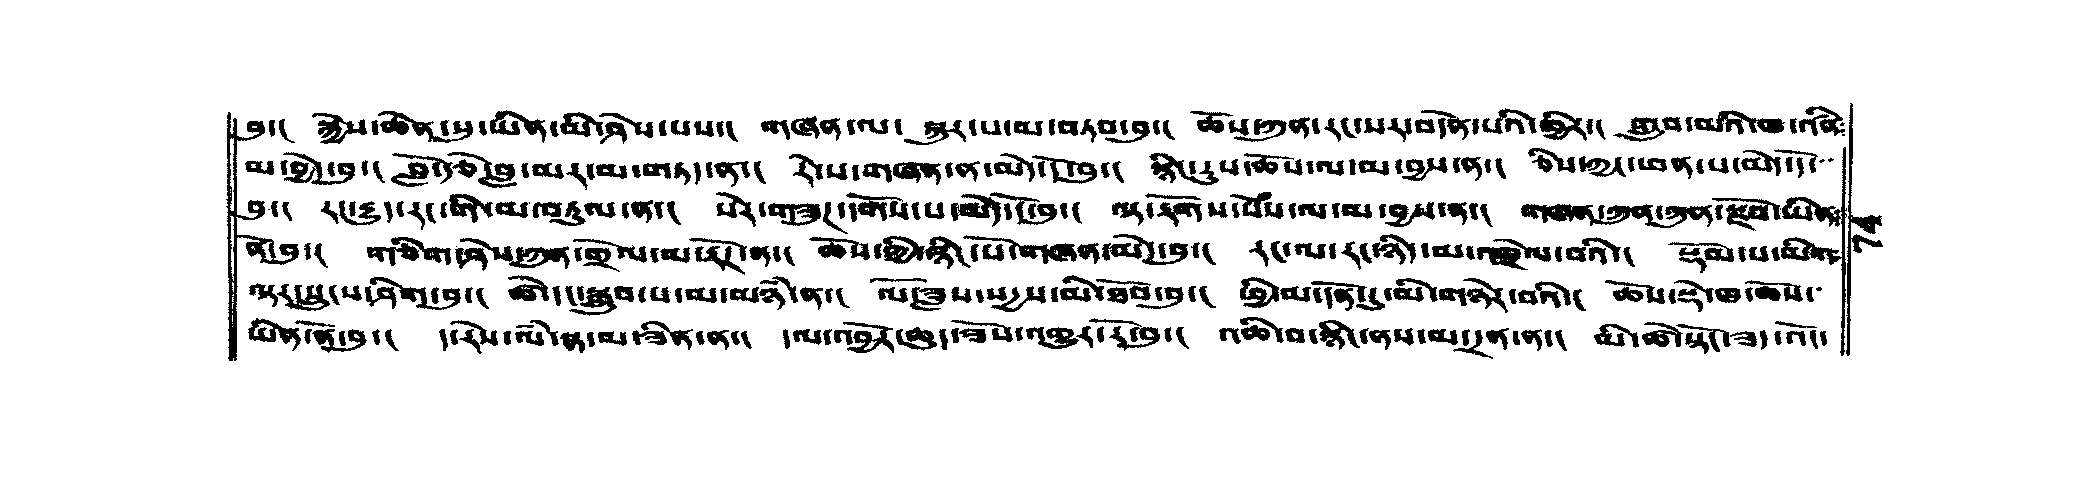བུ། །སྐྱེས་ཆེན་སུ་ཡིན་མི་ཤེས་པས། །གཞན་ལ་སྐུར་བ་མ་བཏབ་བུ། །ཆོས་ཀུན་རང་སར་བདེན་པའི་ཕྱིར། །གྲུབ་མཐའི་ཁ་འཛིན་
མ་བྱེད་བུ། །བློ་རྩེ་བླ་མར་མ་གཏད་ན། །རེ་ས་གཞན་ན་མེད་དོ་བུ། །སྙིང་རུས་ཆོས་ལ་མ་བྱེད་ན། །ཅིས་ཀྱང་ཕན་པ་མེད་དོ་
བུ། །རང་རྒྱུད་རང་གིས་མ་བཏུལ་ན། །སེར་གཟུགས་དགོས་པ་མེད་དོ་བུ། །ལྟ་རྟོག་སེམས་ལ་མ་བྱེད་ན། །གཞན་ཀུན་ཀུན་རྫོབ་ཡིན་
ནོ་བུ། །གཅིག་ཤེས་ཀུན་གྲོལ་མ་རྟོགས་ན། །ཆོས་ཀྱི་སྙིང་པོ་གཞན་མེད་བུ། །རང་ལ་རང་ཉིད་མ་འཁྲེལ་བའི། །སྡོམ་པ་མིག་
ལྟར་སྲུངས་ཤིག་བུ། །ཚེ་དང་བསྒྲུབ་པ་མ་མཉམ་ན། །ལོ་ཟླས་སངས་རྒྱས་མི་ཐོབ་བུ། །ཕྱི་མ་དོན་དུ་མི་གཉེར་བའི། །ཆོས་སྡེ་ཁ་ཆོས་
ཡིན་ནོ་བུ། །ད་རེས་ལམ་སྣ་མ་ཟིན་ན། །དལ་འབྱོར་ཆུད་ཟོས་འགྱུར་རོ་བུ། །འཆི་བ་སྙིང་ནས་མ་དྲན་ན། །མི་ཚེ་སྟོང་ཟད་འོང་